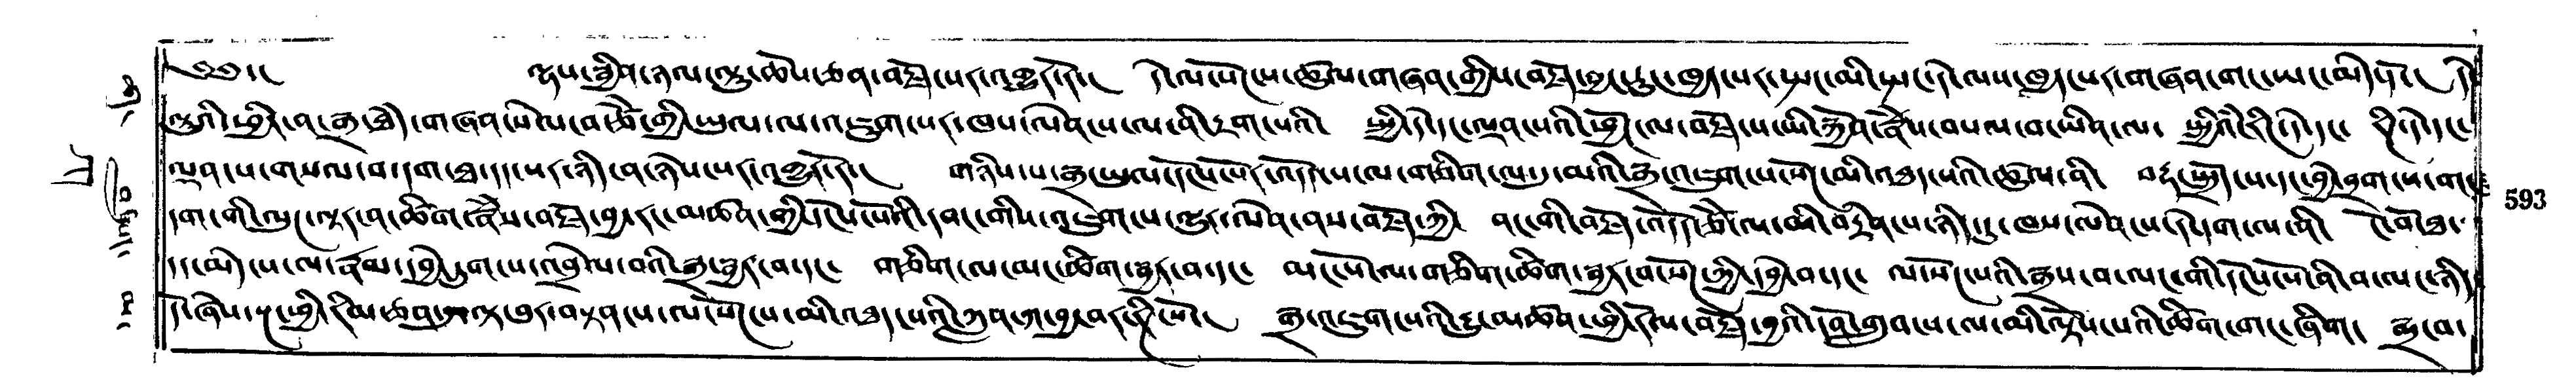ལྷས་བྱིན་ཉལ་ལྟ་བུ་ཆོས་ཅན་བརྗོད་པར་འགྱུར་རོ།། དེ་ལ་སོགས་པ་ཚུལ་གཞན་གྱིས་བརྗོད་ཀྱང་རུང་ཁྱད་པར་སྤང་མི་སྤང་དེ་ལས་ཁྱད་པར་གང་ཡང་མེད་དོ།། དེ་
ལྟ་བུའི་ཕྱིར་ན་སྒྲ་ཐམས་ཅད་གཞན་སེལ་བ་ཙམ་གྱིས་ཡུལ་ལ་འཇུག་པར་ཁས་ལེན་པ་ལ་ནི་རྟག་པའི། སྤྱི་དེ་དང་ལྡན་པའི་ཕྱོགས་ལ་བརྗོད་པའི་སྐྱོན་རྣམས་བསལ་བ་ཡིན་ལ། སྤྱིའི་རིགས་དེ་དང་། 
རིགས་དེ་དང་ལྡན་པ་གསལ་བ་དག་ཐ་དད་པར་ཉིད་ན་ཉེས་པར་འགྱུར་རོ།། གཉིས་པ་སྒྲ་ཡུལ་དངོས་པོར་འདོད་པ་ལ་གཅིག་ལ་དུ་མའི་སྒྲ་འཇུག་པ་སོགས་མི་འཐད་པའི་ཚུལ་ནི། བརྡ་སྤྲོད་པ་དང་བྱེ་བྲག་པ་གང་
དག་གི་ལུགས་ལྟར་ན་ཚིག་རྣམས་བརྗོད་བྱ་རང་མཚན་གྱི་དངོས་པོའི་དབང་གིས་འཇུག་པ་ལྟ་བུར་ལེན་ནས་བརྗོད་ཀྱི ནང་གི་བརྗོད་འདོད་ཙམ་ལ་མི་བརྟེན་པ་ཉིད་དུ་ཁས་ལེན་པ་དེ་དག་ལ་ནི། ངོ་བོ་ཐ་
དད་མེད་པ་ལ་རྣམ་དབྱེ་དྲུག་པ་འབྲེལ་བའི་སྒྲ་སྦྱར་བ་དང་། གཅིག་ལས་མང་ཚིག་སྦྱར་བ་དང་། མང་པོ་ལ་གཅིག་ཚིག་སྦྱར་བ་སོགས་ཀྱི་དབྱེ་བ་དང་། ལ་སོགས་པའི་སྒྲས་བ་ལང་གི་དངོས་པོ་ནི་བ་ལང་ཉིད་
དོ་ཞེས་སྔ་ཕྱི་རིམ་ཅན་ལྟ་བུར་བསྟན་པ་ལ་སོགས་པ་མི་འཐད་པའི་ཀླན་ཀ་བྱ་བར་རིགས་སོ།། སྒྲ་འཇུག་པའི་རྒྱུ་མཚན་ཕྱི་རོལ་བརྗོད་བྱའི་དོན་གྲུབ་པ་ལ་མི་ལྟོས་པའི་ཚིག་གང་ཞིགསྨྲ་བ་